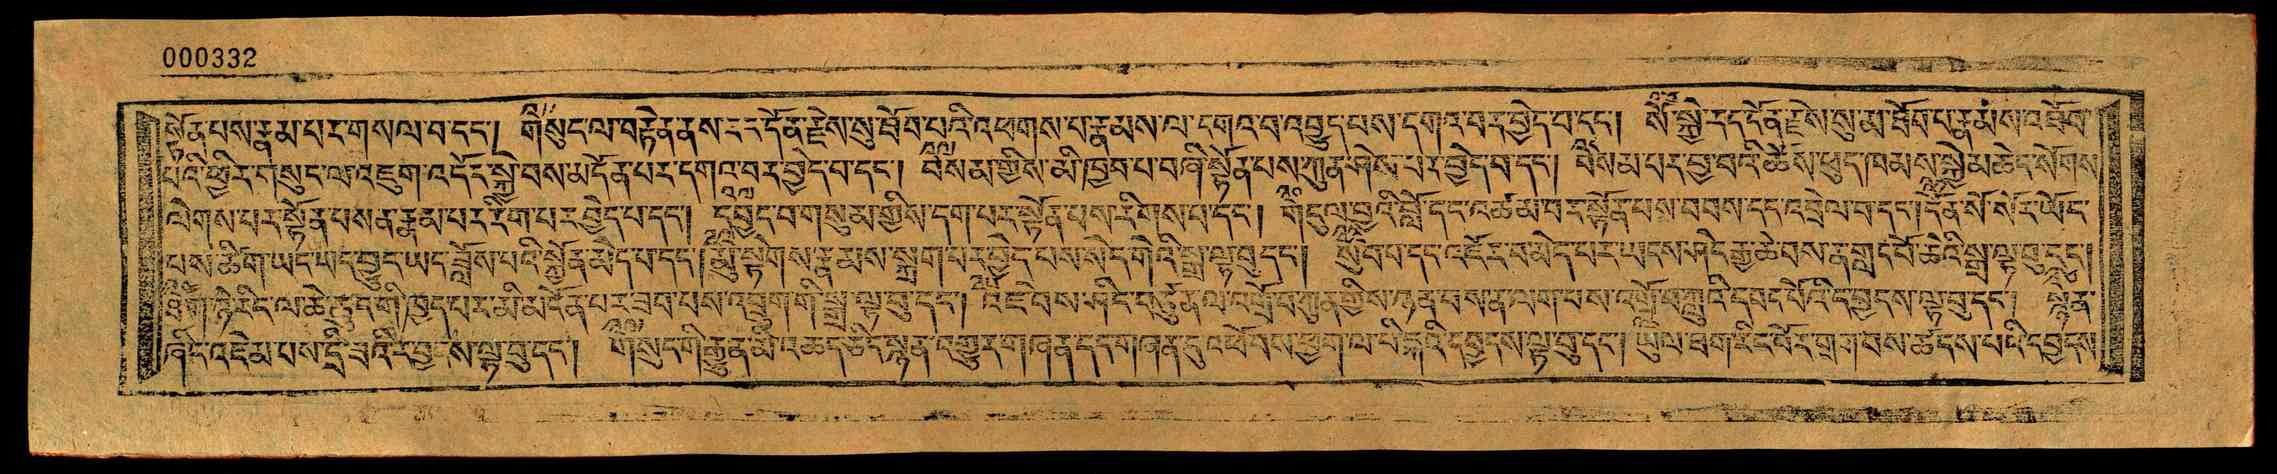སྟོན་པས་རྣམ་པར་གསལ་བ་དང་། ༢༥་གསུང་ལ་བརྟེན་ནས་རང་དོན་རྗེས་སུ་ཐོབ་པའི་འཕགས་པ་རྣམས་ལ་དགའ་བ་འབྱུང་བས་དགའ་བར་བྱེད་པ་དང་། ༢༦་སོ་སྐྱེ་རང་དོན་རྗེས་སུ་མ་ཐོབ་པ་རྣམས་འཐོབ་
པའི་ཕྱིར་གསུང་ལ་འཇུག་འདོད་སྐྱེ་བས་མངོན་པར་དགའ་བར་བྱེད་པ་དང་། ༢༧་བསམ་གྱིས་མི་ཁྱབ་པ་བཞི་སྟོན་པས་ཀུན་ཤེས་པར་བྱེད་པ་དང་། ༢༨་བསམ་པར་བྱ་བའི་ཆོས་ཕུང་ཁམས་སྐྱེ་མཆེད་སོགས་
ལེགས་པར་སྟོན་པས་ན་རྣམ་པར་རིག་པར་བྱེད་པ་དང་། ༢༩་དཔྱད་པ་གསུམ་གྱིས་དགེ་བར་སྟོན་པས་རིགས་པ་དང་། ༣༠་གདུལ་བྱའི་བློ་དང་འཚམ་པར་སྟོན་པས་བབས་དང་འབྲེལ་བ་དང་། ༣༡་དོན་སོ་སོར་ཡོད་
པས་ཚིག་ཡང་ཡང་བྱུང་ཡང་ཟློས་པའི་སྐྱོན་མེད་པ་དང་། ༣༢་མུ་སྟེགས་རྣམས་སྐྲག་པར་བྱེད་པས་སེང་གེའི་སྒྲ་ལྟ་བུ་དང་། ༣༣་སུབ་པ་དང་འཛེར་བ་མེད་པར་ཡངས་ཤིང་རྒྱ་ཆེ་བས་ན་གླང་པོ་ཆེའི་སྒྲ་ལྟ་བུ་དང་།
༣༤་ཐག་ཉེ་རིང་ལ་ཆེ་ཆུང་གི་ཁྱད་པར་མི་མངོན་པར་ཟབ་པས་འབྲུག་གི་སྒྲ་ལྟ་བུ་དང་། ༣༥་འཇེབས་ཤིང་བཙུན་ལ་འགྲོ་བ་ཀུན་གྱིས་ཉན་པས་ན་ལག་པས་འགྲོ་བ་ཀླུའི་དབང་པོའི་དབྱངས་ལྟ་བུ་དང་། ༣༦་སྙན་
ཞིང་འཇེམ་པས་དྲི་ཟའི་དབྱངས་ལྟ་བུ་དང་། ༣༧་གསུང་གི་རྒྱུན་མི་འཆད་ཅིང་སྙན་འགྱུར་གཞན་དང་གཞན་དུ་འཕེ་བས་བྱ་ཀ་ལ་པིངྐའི་དབྱངས་ལྟ་བུ་དང་། ༣༨་ཡུལ་ཐག་རིང་པོར་གྲག་པས་ཚངས་པའི་དབྱངས་